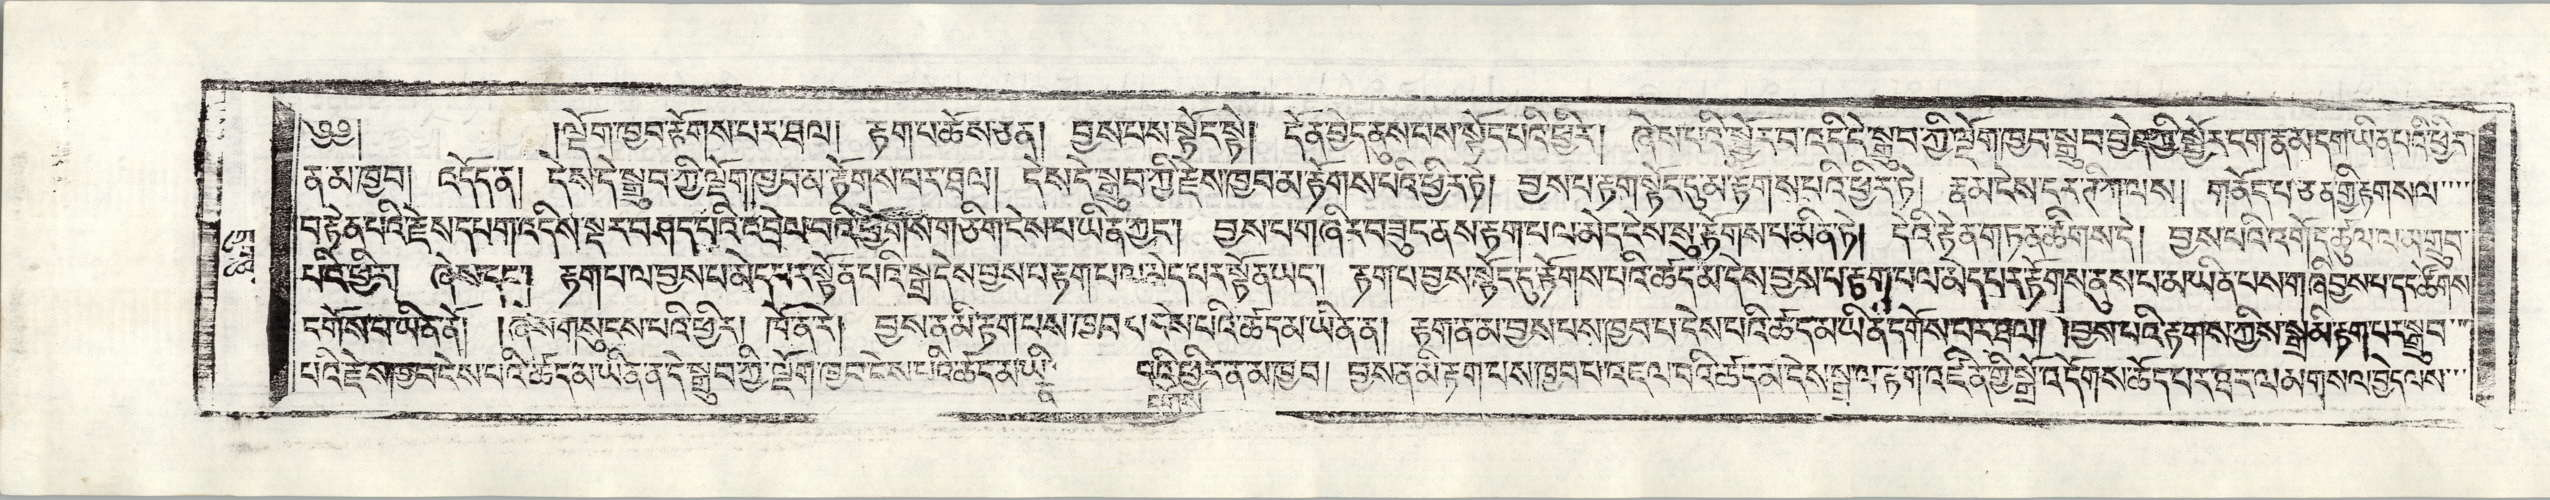༄༅། །ལྡོག་ཁྱབ་རྟོགས་པར་ཐལ། རྟག་པ་ཆོས་ཅན། བྱས་པས་སྟོང་སྟེ། དོན་བྱེད་ནུས་པས་སྟོང་པའི་ཕྱིར། ཞེས་པའི་སྦྱོར་བ་འདི་དེ་སྒྲུབ་ཀྱི་ལྡོག་ཁྱབ་སྒྲུབ་བྱེད་ཀྱི་སྦྱོར་ངག་རྣམ་དག་ཡིན་པའི་ཕྱིར་
ན་མ་ཁྱབ། འདོད་ན། དེས་དེ་སྒྲུབ་ཀྱི་ལྡོག་ཁྱབ་མ་རྟོགས་པར་ཐལ། དེས་དེ་སྒྲུབ་ཀྱི་རྗེས་ཁྱབ་མ་རྟོགས་པའི་ཕྱིར་ཏེ། བྱས་པ་རྟག་སྟོང་དུ་མ་རྟོགས་པའི་ཕྱིར་ཏེ། རྣམ་ངེས་དར་ཊིཀ་ལས། གནོད་པ་ཅན་གྱི་རྟགས་ལ་
བརྟེན་པའི་རྗེས་དཔག་འདིས་སྔར་བཤད་པའི་འབྲེལ་བའི་ཕྱོགས་གཅིག་ངེས་པ་ཡིན་ཀྱང་། བྱས་པ་གཞིར་བཟུང་ནས་རྟག་པ་ལ་མེད་ངེས་སུ་རྟོགས་པ་མིན་ཏེ། དེའི་རྟེན་གཏན་ཚིགས་དེ། བྱས་པའི་འགོད་ཚུལ་ལ་མ་གྲུབ་
པའི་ཕྱིར། ཞེས་དང་། རྟག་པ་ལ་བྱས་པ་མེད་པར་སྟོན་པའི་སྒྲ་དེས་བྱས་པ་རྟག་པ་ལ་མེད་པར་སྟོན་ཡང་། རྟག་པ་བྱས་སྟོང་དུ་རྟོགས་པའི་ཚད་མ་དེས་བྱས་པ་རྟག་པ་ལ་མེད་པར་རྟོགས་ནུས་པ་མ་ཡིན་པས་གཞི་བྱས་པ་དང་ཚོགས་
དགོས་པ་ཡིན་ནོ། །ཞེས་གསུངས་པའི་ཕྱིར། ཁོ་ན་རེ། བྱས་ན་མི་རྟག་པས་ཁྱབ་པ་ངེས་པའི་ཚད་མ་ཡིན་ན། རྟག་ན་མ་བྱས་པས་ཁྱབ་པ་ངེས་པའི་ཚད་མ་ཡིན་དགོས་པར་ཐལ། །བྱས་པའི་རྟགས་ཀྱིས་སྒྲ་མི་རྟག་པར་སྒྲུབ་
པའི་རྗེས་ཁྱབ་ངེས་པའི་ཚད་མ་ཡིན་ན་དེ་སྒྲུབ་ཀྱི་ལྡོག་ཁྱབ་ངེས་པའི་ཚད་མ་ཡིན་དགོས་པའི་ཕྱིར་ན་མ་ཁྱབ། བྱས་ན་མི་རྟག་པས་ཁྱབ་པ་འཇལ་བའི་ཚད་མ་དེས་སྒྲ་ལ་རྟག་འཛིན་གྱི་སྒྲོ་འདོགས་ཆོད་པར་ཐར་ལམ་གསལ་བྱེད་ལས་